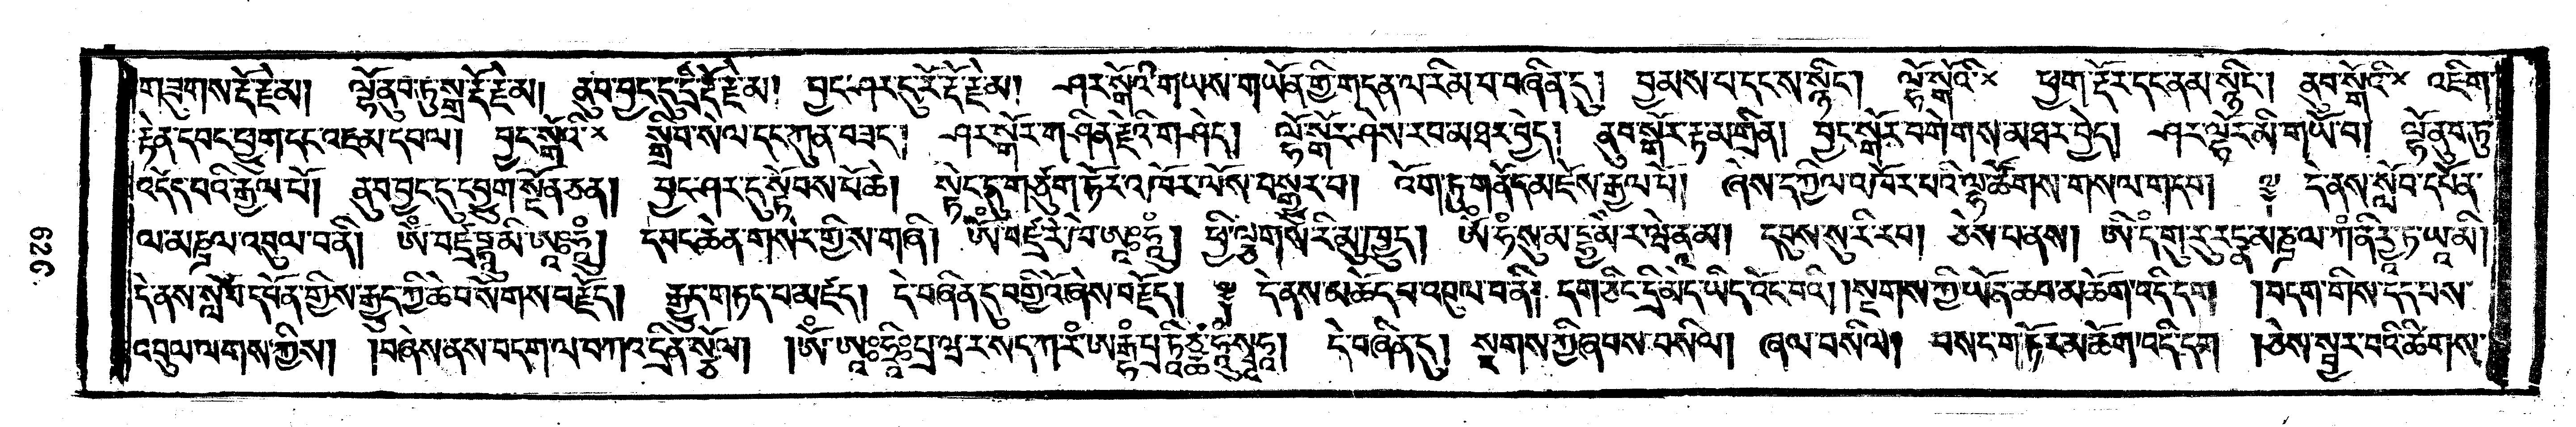གཟུགས་རྡོ་རྗེ་མ། ལྷོ་ནུབ་ཏུ་སྒྲ་རྡོ་རྗེ་མ། ནུབ་བྱང་དུ་དྲི་རྡོ་རྗེ་མ། བྱང་ཤར་དུ་རོ་རྡོ་རྗེ་མ། ཤར་སྒོའི་གཡས་གཡོན་གྱི་གདན་ལ་རིམ་པ་བཞིན་དུ། བྱམས་པ་དང་ས་སྙིང་། ལྷོ་སྒོའི་྾་ཕྱག་རྡོར་དང་ནམ་སྙིང་། ནུབ་སྒོའི་྾་འཇིག་
རྟེན་དབང་ཕྱུག་དང་འཇམ་དཔལ། བྱང་སྒོའི་྾་སྒྲིབ་སེལ་དང་ཀུན་བཟད། ཤར་སྒོར་གཤིན་རྗེའི་གཤེད། ལྷོ་སྒོར་ཤེས་རབ་མཐར་བྱེད། ནུབ་སྒོར་རྟ་མགྲིན། བྱང་སྒོར་བགེགས་མཐར་བྱེད། ཤར་ལྷོར་མི་གཡོ་བ། ལྟོ་ནུབ་ཏུ་
འདོད་པའི་རྒྱལ་པོ། ནུབ་བྱང་དུ་དབྱུག་སྔོན་ཅན། བྱང་ཤར་དུ་སྟོབས་པོ་ཆེ། སྟེང་དུ་གཙུག་ཏོར་འཁོར་ལོས་བསྒྱུར་བ། འགོ་ཏུ་གནོད་མཛེས་རྒྱལ་པོ། ཞེས་དཀྱིལ་འཁོར་པའི་ལྷ་ཚོགས་གསལ་གདབ། ༈ དེ་ནས་སློབ་དཔོན་
ལ་མཎྜལ་འབུལ་བ་ནི། ཨོཾ་བཛྲ་བྷཱུ་མི་ཨཱཿ ཧཱུཾ། དབང་ཆེན་གསེར་གྱིས་གཞི། ཨོཾ་བཛྲ་རེ་ཁེ་ཨཱཿ ཧཱུཾ། ཕྱི་ལྕགས་རི་མུ་ཁྱུད། ཨོཾ་ཧཾ་སུ་མ་དྷྱ་མེ་ར་ཝེ་ནཱ་མ། དབུས་སུ་རི་རབ། ཅེས་པ་ནས། ཨི་དཾ་གུ་རུ་རདྣ་མཎྜལ་ཀཾ་ནིརྱཱ་ཏ་ཡཱ་མི།
དེ་ནས་སློབ་དཔོན་གྱིས་རྒྱུད་ཀྱི་ཆེ་བ་སོགས་བརྗོད། རྒྱུད་གཏད་པ་མཛད། དེ་བཞིན་དུ་བགྱིའོ་ཞེས་བརྗོད། ༈ དེ་ནས་མཆོད་པ་འབུལ་བ་ནི། དག་ཅིང་དྲི་མེད་ཡིད་འོང་བའི། །སྔགས་ཀྱི་ཡོན་ཆབ་མཆོག་འདི་དག །བདག་གིས་དད་པས་
འབུལ་ལགས་ཀྱིས། །བཞེས་ནས་བདག་ལ་བཀའ་དྲིན་སྩོལ། །ཨོཾ་ཨཱཿ ཧྲཱིཿ པྲ་ཝ་ར་སད་ཀ་རམ་ཨརྒྷཾ་པྲ་ཏཱིཙྪ་ཧཱུཾ་སྭཱཧཱ། དེ་བཞིན་དུ། སྔགས་ཀྱི་ཞབས་བསིལ། ཞལ་བསིལ། བསངས་གཏོར་མཆོག་འདི་དག །ཅེས་སྦྱར་བའི་ཚིགས་